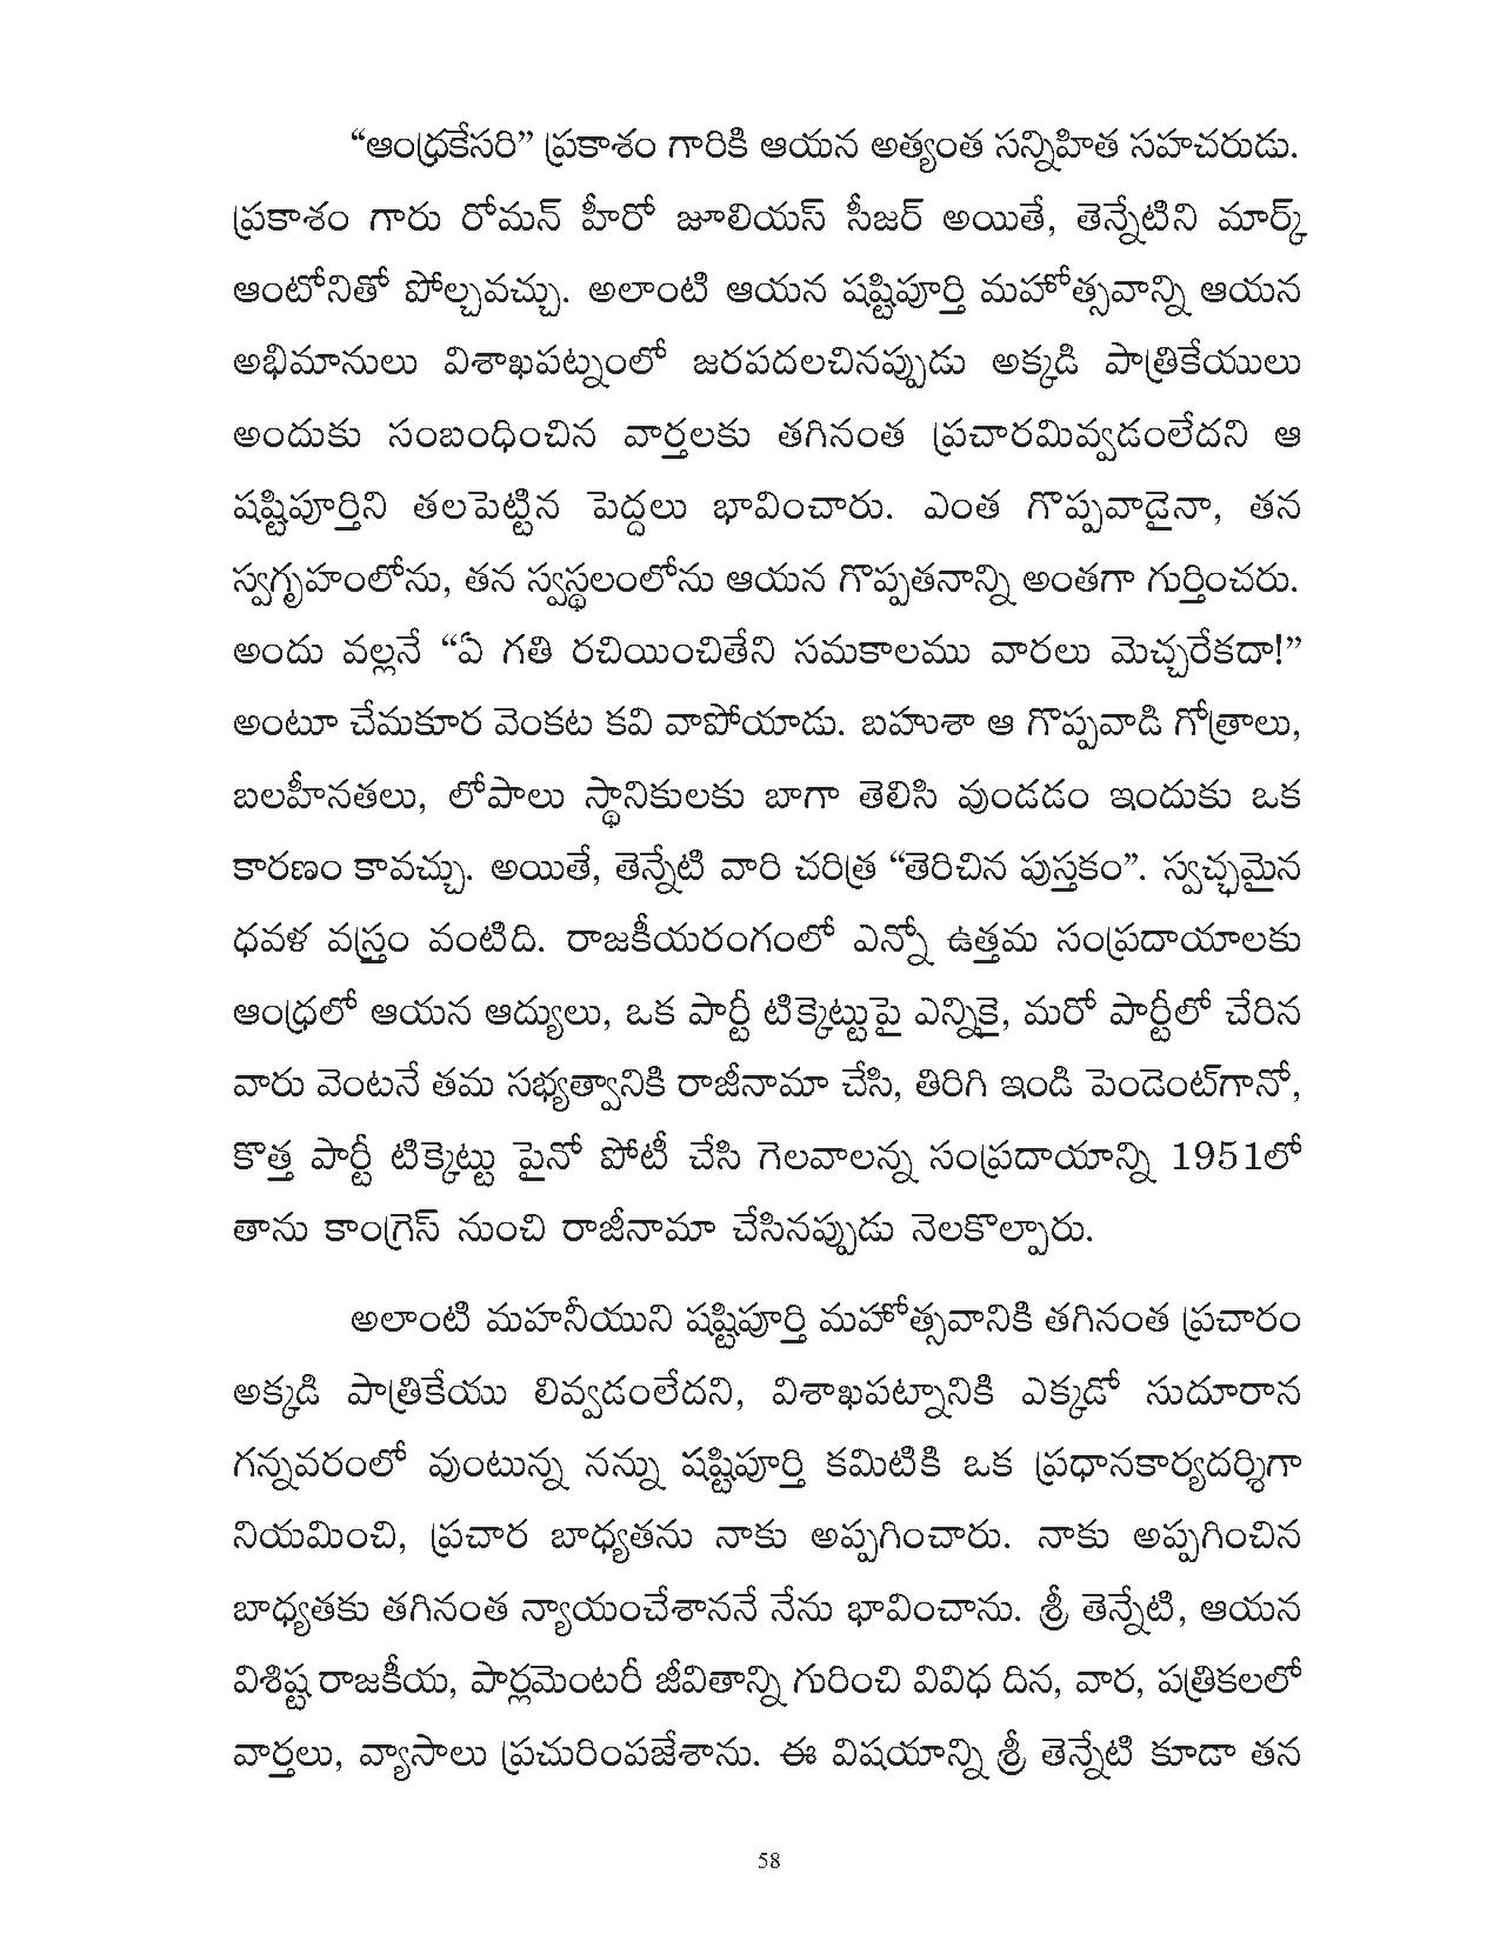"ఆంధ్రకేసరి" ప్రకాశం గారికి ఆయన అత్యంత సన్నిహిత సహచరుడు.
ప్రకాశం గారు రోమన్‌ హీరో జూలియస్‌ సీజర్‌ అయితే, తెన్నేటిని మార్క్‌
ఆంటోనితో పోల్చవచ్చు. అలాంటి ఆయన షష్టిపూర్తి మహోత్సవాన్ని ఆయన
అభిమానులు విశాఖపట్నంలో జరపదలచినప్పుడు అక్కడి పాత్రికేయులు
అందుకు సంబంధించిన వార్తలకు తగినంత ప్రచారమివ్వడంలేదని ఆ
షష్టిపూర్తిని తలపెట్టిన పెద్దలు భావించారు. ఎంత గొప్పవాడైనా, తన
స్వగృహంలోను, తన స్వస్థలంలోను ఆయన గొప్పతనాన్ని అంతగా గుర్తించరు.
అందు వల్లనే "ఏ గతి రచియించితేని సమకాలము వారలు మెచ్చరేకదా!"
అంటూ చేమకూర వెంకట కవి వాపోయాడు. బహుశా ఆ గొప్పవాడి గోత్రాలు,
బలహీనతలు, లోపాలు స్థానికులకు బాగా తెలిసి వుండం ఇందుకు ఒక
కారణం కావచ్చు. అయితే, తెన్నేటి వారి చరిత్ర "తెరిచిన పుస్తకం". స్వచ్ఛమైన
ధవళ వస్త్రం వంటిది. రాజకీయరంగంలో ఎన్నో ఉత్తమ సంప్రదాయాలకు
ఆంధ్రలో ఆయన ఆద్యులు, ఒక పార్టీ టిక్కెట్టుపై ఎన్నికై, మరో పార్టీలో చేరిన
వారు వెంటనే తమ సభ్యత్వానికి రాజీనామా చేసి, తిరిగి ఇండి పెండెంట్‌గానో,
కొత్త పార్టీ టిక్కెట్టు పైనో పోటీ చేసి గెలవాలన్న సంప్రదాయాన్ని 1951లో
తాను కాంగ్రెస్‌ నుంచి రాజీనామా చేసినప్పుడు నెలకొల్పారు.

అలాంటి మహనీయుని షష్టిపూర్తి మహోత్సవానికి తగినంత ప్రచారం
అక్కడి పాత్రికేయు లివ్వడంలేదని, విశాఖపట్నానికి ఎక్కడో సుదూరాన
గన్నవరంలో వుంటున్న నన్ను షష్టిపూర్తి కమిటికి ఒక ప్రధానకార్యదర్శిగా
నియమించి, ప్రచార బాధ్యతను నాకు అప్పగించారు. నాకు అప్పగించిన
బాధ్యతకు తగినంత న్యాయంచేశాననే నేను భావించాను. శ్రీ తెన్నేటి, ఆయన
విశిష్ట రాజకీయ, పార్లమెంటరీ జీవితాన్ని గురించి వివిధ దిన, వార, పత్రికలలో
వార్తలు, వ్యాసాలు ప్రచురింపజేశాను. ఈ విషయాన్ని శ్రీ తెన్నేటి కూడా తన